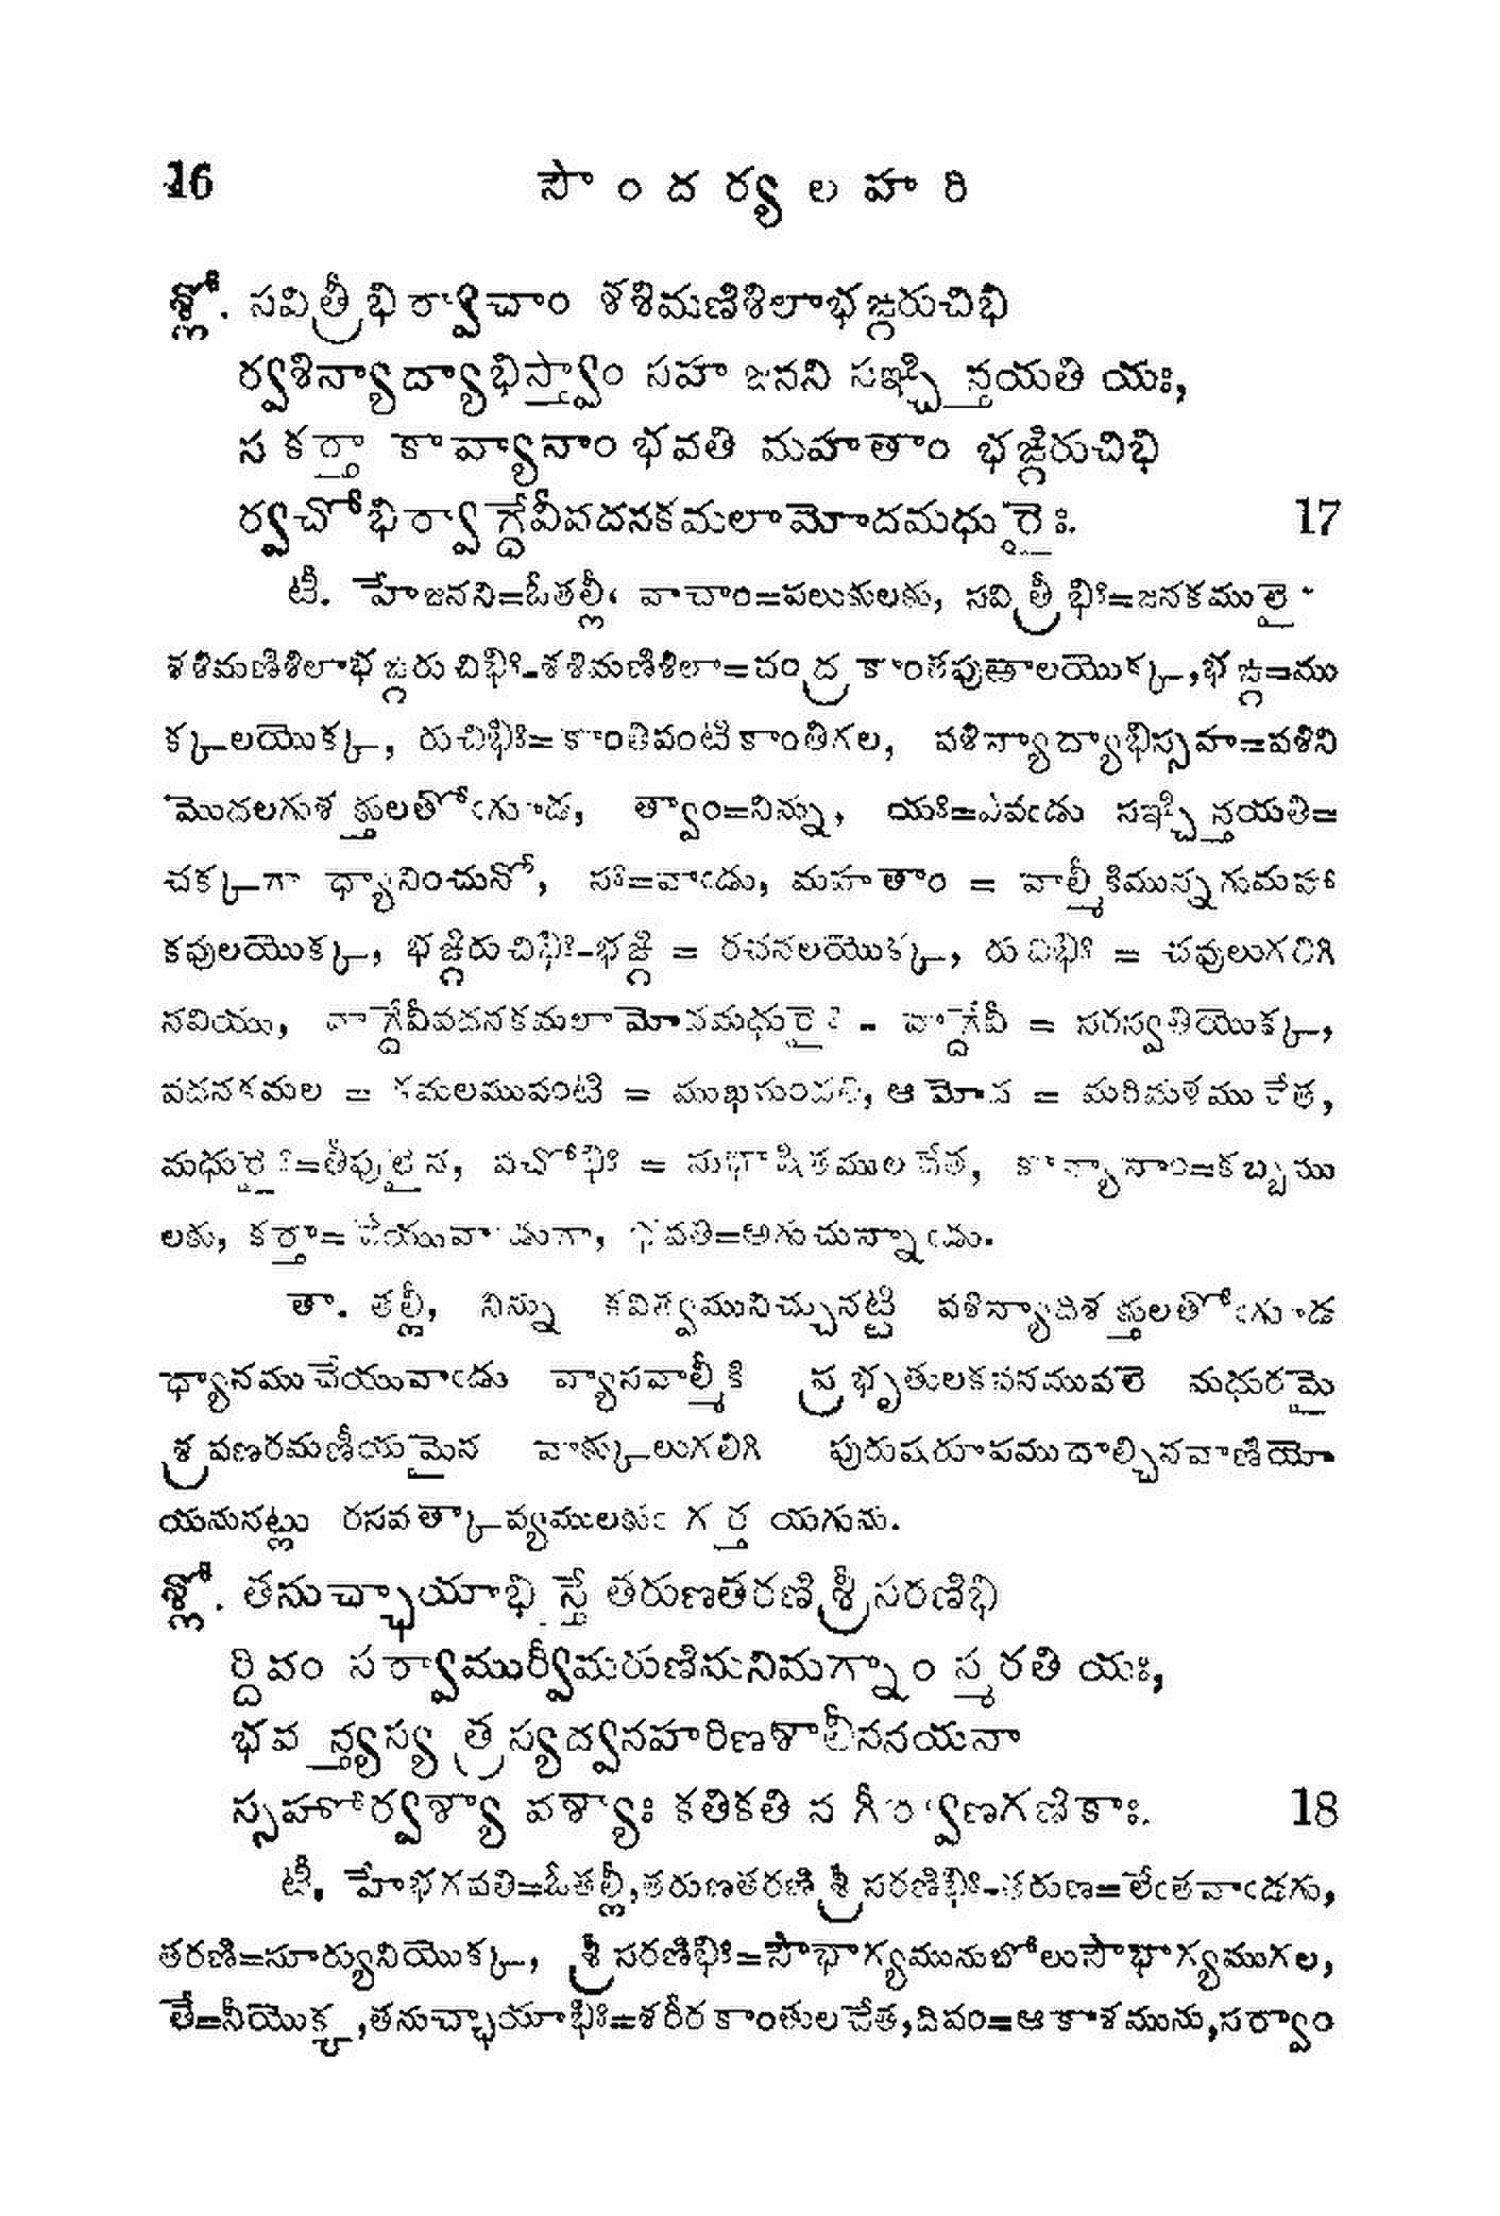శ్లో. సవిత్రీభిర్వాచాం శశిమణిశిలాభఙ్గరుచిభి
 ర్వశిన్యాద్యాభిస్త్వాం సహ జనని సఞ్చిన్తయతి యః,
 సకర్తా కావ్యానాం భవతి మహతాం భఙ్గిరుచిభి
 ర్వచోభిర్వాగ్దేవీవదనకమలామోదమధురైః. 17
టీ. హేజనని = ఓతల్లీ, వాచాం = పలుకులకు, సవిత్రీభిః = జనకములై శశిమణిశిలాఙ్గరుచిభిః-శశిమణిశిలా = చంద్రకాంతపుఱాలయొక్క, భఙ్గ = ముక్కలయొక్క, రుచిభిః = కాంతివంటికాంతిగల, పశిన్యాద్యాభిస్సహ = పశిని మొదలగుశక్తులతోఁగూడ, త్వాం = నిన్ను, యః = ఎవఁడు సఞ్చిన్తయతి = చక్కగా ధ్యానించునో, సః = వాఁడు, మహతాం = వాల్మీకిమున్నగుమహా కవులయొక్క, భఙ్గిరుచిభిః-భఙ్గి = రచనలయొక్క, రుచిభిః = చవులుగలిగినవియు, వాగ్దేవీవదనకమలామోదమధురైః-వాగ్దేవీ = సరస్వతియొక్క, వదనకమల = కమలమువంటి ముఖమందలి, ఆమోద = మరిమళముచేత, మధురైః = తీపులైన, వచోభిః = సుభాషితములచేత, కావ్యానాం = కబ్బములకు, కర్తా = చేయువాఁడుగా, భవతి = అగుచున్నాఁడు.

తా. తల్లీ, నిన్ను కవిత్వమునిచ్చునట్టి వశిన్యాదిశక్తులతోఁగూడ ధ్యానముచేయువాఁడు వ్యాసవాల్మీకి ప్రభృతులకవనమువలె మధురమై శ్రవణరమణీయమైన వాక్కులుగలిగి పురుషరూపముదాల్చినవాణియో యనునట్లు రసవత్కావ్యములకుఁ గర్త యగును.

శ్లో. తనుచ్ఛాయాభిస్తే తరుణతరణిశ్రీసరణిభి
 ర్దివం సర్వాముర్వీమరుణిమనిమగ్నాం స్మరతి యః,
 భవన్త్యస్యత్రస్యద్వనహరిణశాలీననయనా
 స్సహోర్వశ్యా వశ్యాః కతికతి న గీర్వాణగణికాః. 18
టీ. హేభగవతి = ఓతల్లీ, తరుణతరణిశ్రీసరణిభిః-తరుణ = లేఁతవాఁడగు, తరణి = సూర్యునియొక్క, శ్రీసరణిభిః = సౌభాగ్యమునుబోలుసౌభాగ్యముగల, తే = నీయొక్క, తనుచ్ఛాయాభిః = శరీరకాంతులచేత, దివం = ఆకాశమును, సర్వాం